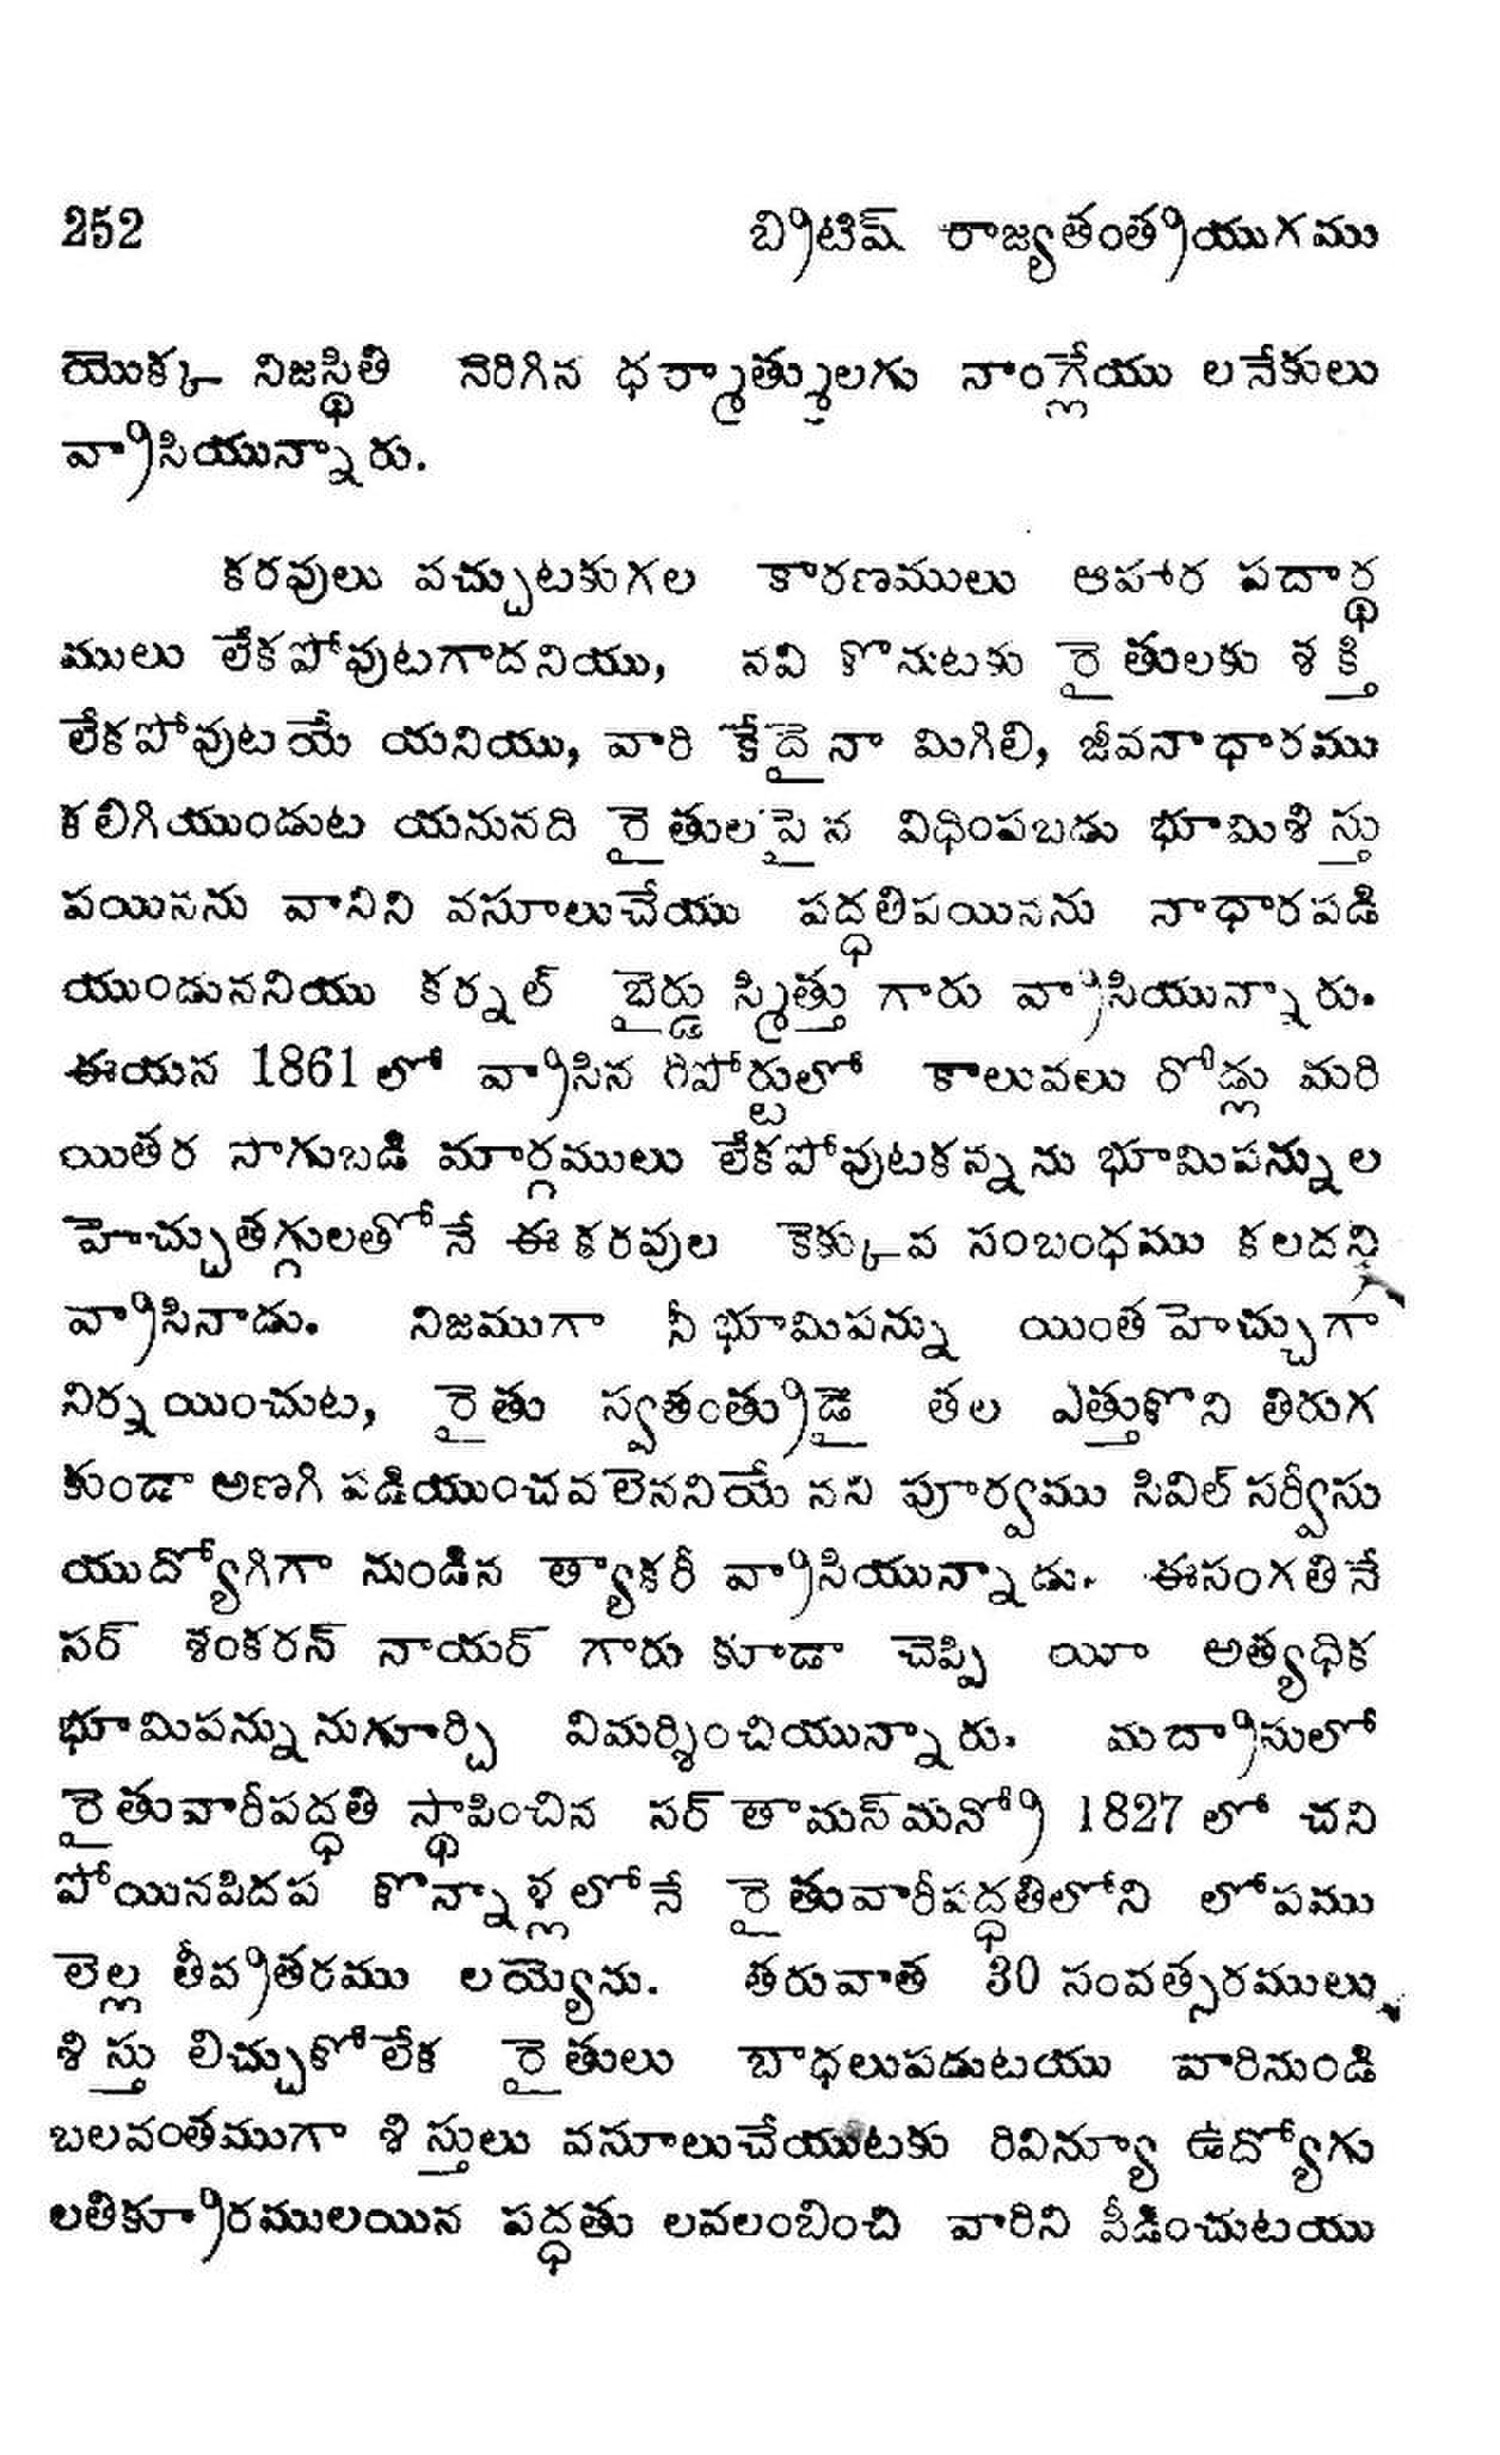యొక్క నిజస్థితి నెరిగిన ధర్మాత్ములగు నాంగ్లేయు లనేకులు వ్రాసియున్నారు.

కరవులు వచ్చుటకుగల కారణములు ఆహార పదార్ధములు లేకపోవుటగాదనియు, నవి కొనుటకు రైతులకు శక్తి లేకపోవుటయే యనియు, వారి కేదైనా మిగిలి, జీవనాధారము కలిగియుండుట యనునది రైతులపైన విధింపబడు భూమిశిస్తు పయిసను వానిని వసూలుచేయు పద్ధతిపయినను నాధారపడి యుండుననియు కర్నల్ బైర్డు స్మిత్తు గారు వ్రాసియున్నారు. ఈయన 1861 లో వ్రాసిన రిపోర్టులో కాలువలు రోడ్లు మరియితర సాగుబడి మార్గములు లేకపోవుటకన్నను భూమిపన్నుల హెచ్చుతగ్గులతోనే ఈ కరవుల కెక్కువ సంబంధము కలదని వ్రాసినాడు. నిజముగా నీ భూమిపన్ను యింతహెచ్చుగా నిర్నయించుట, రైతు స్వతంత్రుడై తల ఎత్తుకొని తిరుగకుండా అణగి పడియుంచవలెననియే నని పూర్వము సివిల్ సర్వీసు యుద్యోగిగా నుండిన త్యాకరీ వ్రాసియున్నాడు. ఈసంగతినే సర్ శంకరన్ నాయర్ గారు కూడా చెప్పి యీ అత్యధిక భూమిపన్నునుగూర్చి విమర్శించియున్నారు. మద్రాసులో
రైతువారీపద్దతి స్థాపించిన సర్ తామస్ మన్రో 1827 లో చనిపోయినపిదప కొన్నాళ్లలోనే రైతువారీ పద్దతిలోని లోపము లెల్ల తీవ్రతరము లయ్యెను. తరువాత 30 సంవత్సరములు, శిస్తు లిచ్చుకోలేక రైతులు బాధలుపడుటయు వారినుండి బలవంతముగా శిస్తులు వసూలు చేయుటకు రివిన్యూ ఉద్యోగు లతిక్రూరములయిన పద్దతు లవలంబించి వారిని పీడించుటయు